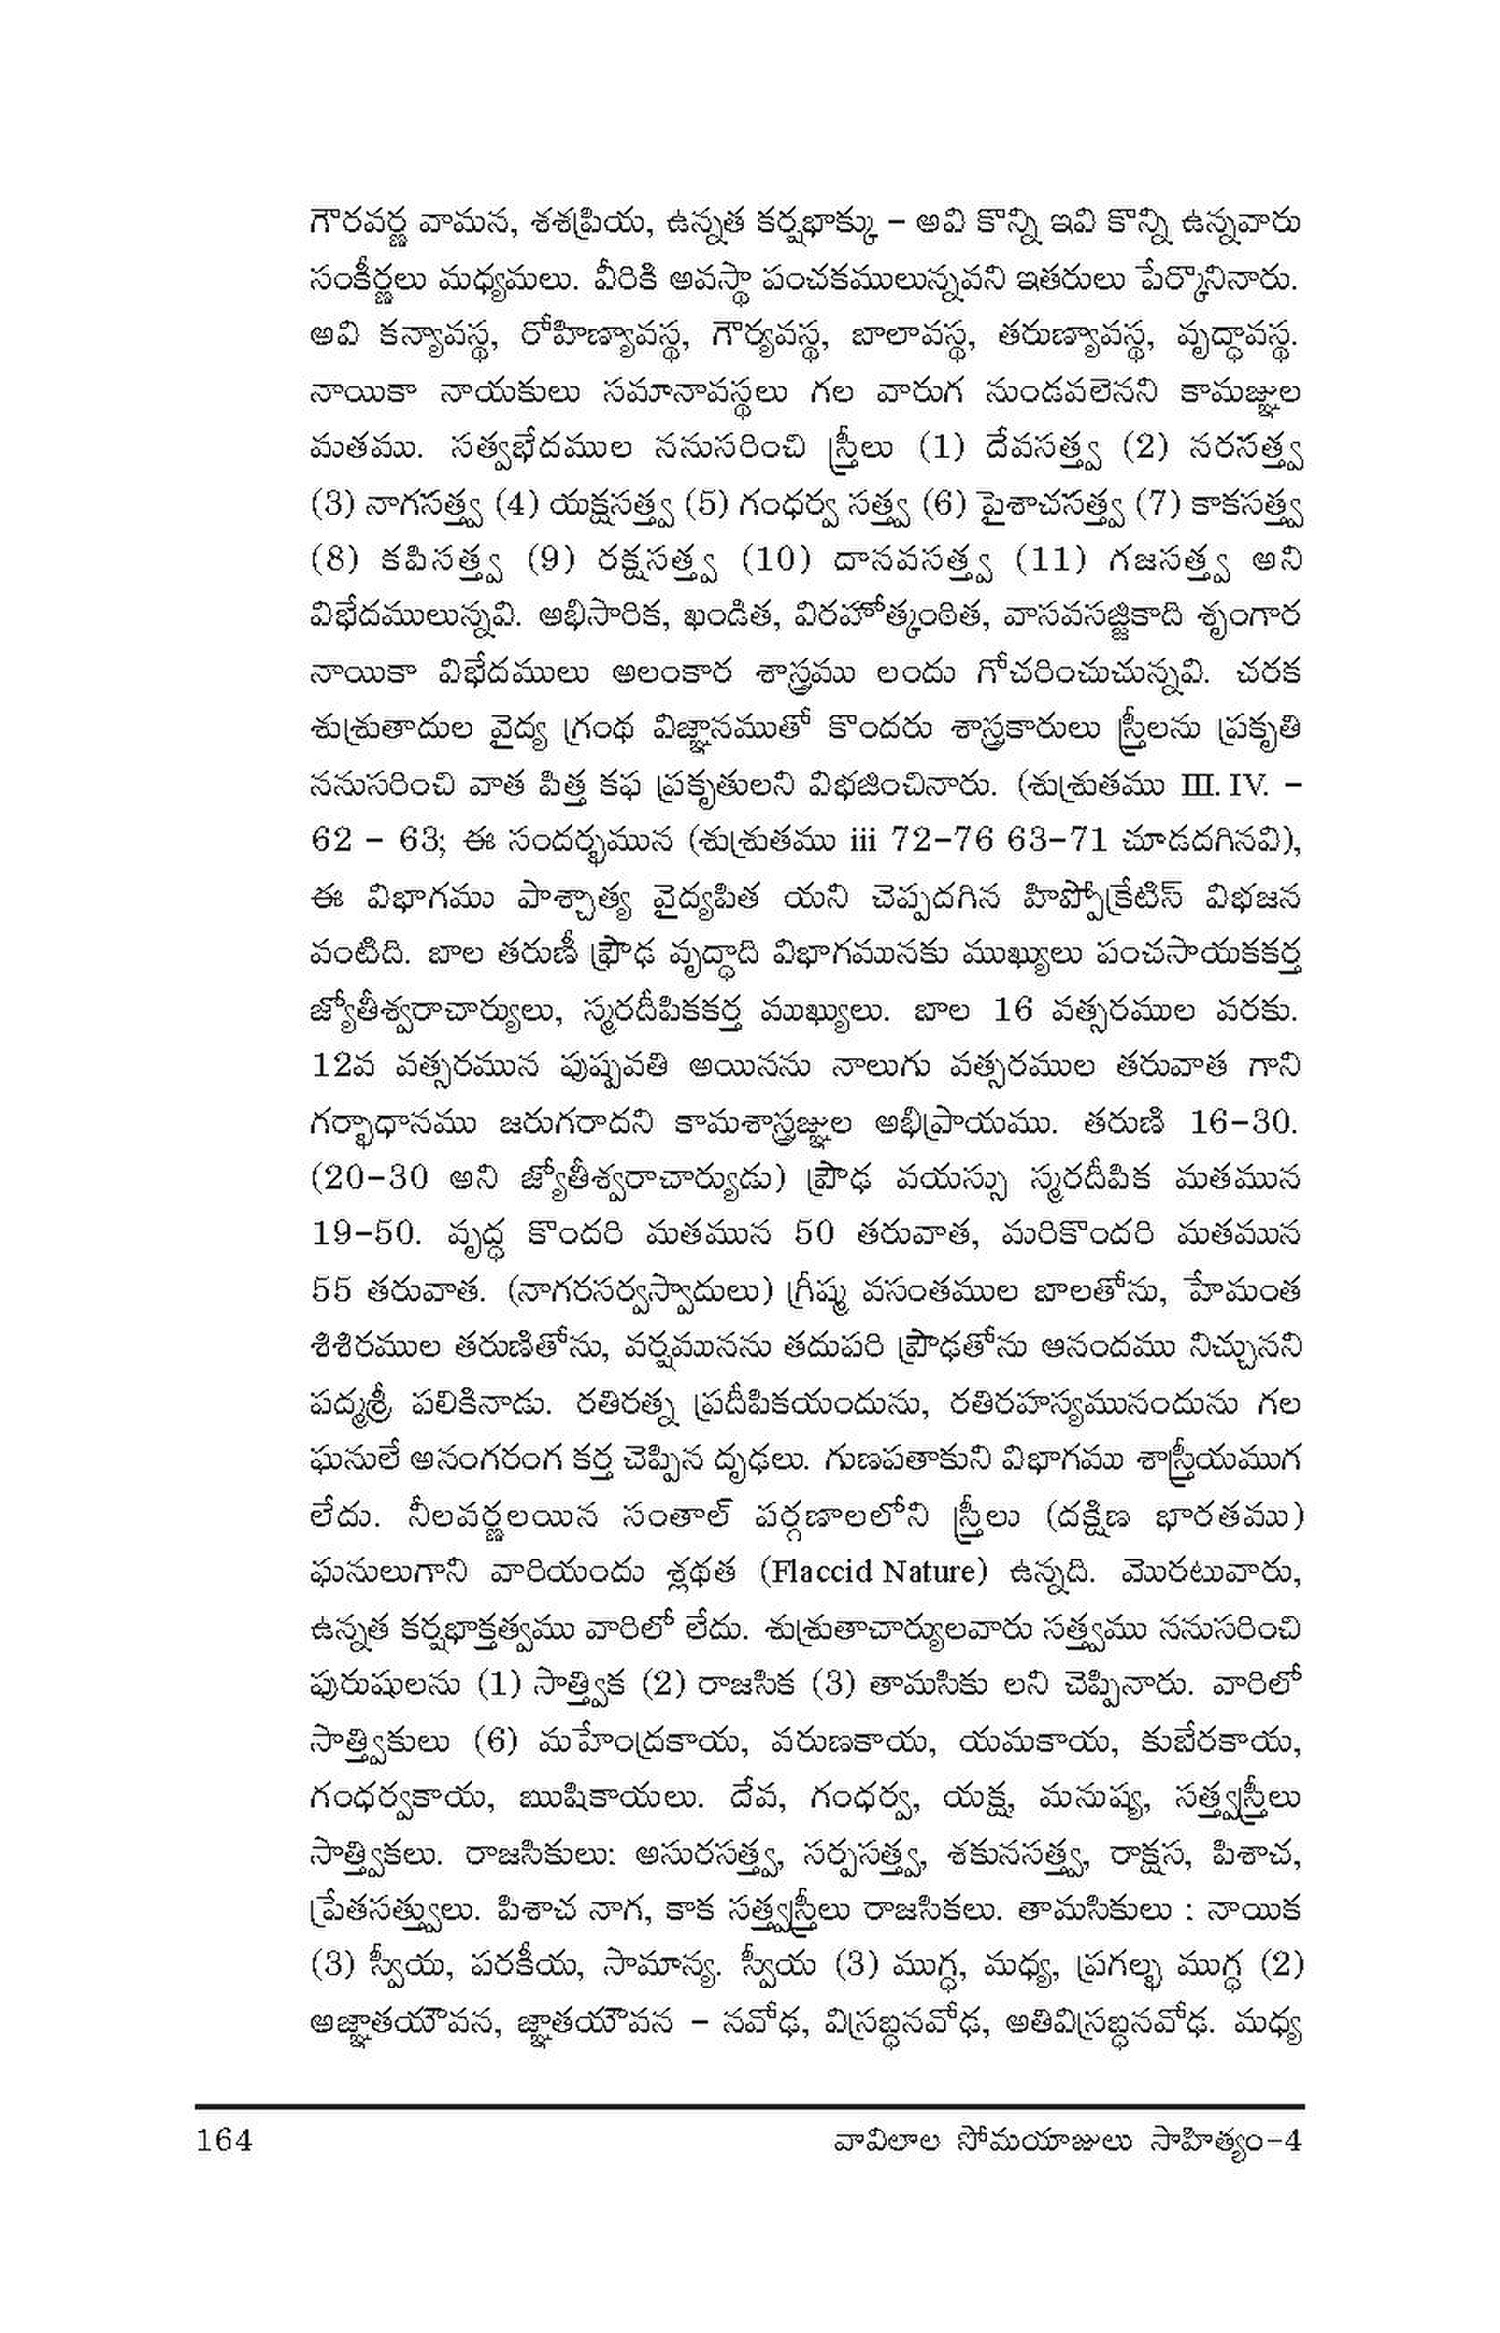గౌరవర్ణ వామన, శశప్రియ, ఉన్నత కర్షభాక్కు - అవి కొన్ని ఇవి కొన్ని ఉన్నవారు
సంకీర్ణలు మధ్యమలు. వీరికి అవస్థా పంచకములున్నవని ఇతరులు పేర్కొనినారు.
అవి కన్యావస్థ, రోహిణ్యావస్థ, గౌర్యవస్థ, బాలావస్థ, తరుణ్యావస్థ, వృద్ధావస్థ.
నాయికా నాయకులు సమానావస్థలు గల వారుగ నుండవలెనని కామజ్ఞుల
మతము. సత్వభేదముల ననుసరించి స్త్రీలు (1) దేవసత్త్వ (2) నరసత్త్వ
(3) నాగసత్త్వ (4) యక్షసత్త్వ (5) గంధర్వ సత్త్వ (6) పైశాచసత్త్వ (7) కాకసత్త్వ
(8) కపిసత్త్వ (9) రక్షసత్త్వ (10) దానవసత్త్వ (11) గజసత్త్వ అని
విభేదములున్నవి. అభిసారిక, ఖండిత, విరహోత్కంఠిత, వాసవసజ్జికాది శృంగార
నాయికా విభేదములు అలంకార శాస్త్రము లందు గోచరించుచున్నవి. చరక
శుశ్రుతాదుల వైద్య గ్రంథ విజ్ఞానముతో కొందరు శాస్త్రకారులు స్త్రీలను ప్రకృతి
ననుసరించి వాత పిత్త కఫ ప్రకృతులని విభజించినారు. (శుశ్రుతము III. IV. -
62 - 63; ఈ సందర్భమున (శుశ్రుతము iii 72-76 63-71 చూడదగినవి),
ఈ విభాగము పాశ్చాత్య వైద్యపిత యని చెప్పదగిన హిప్పోక్రేటిస్ విభజన
వంటిది. బాల తరుణీ ప్రౌఢ వృద్ధాది విభాగమునకు ముఖ్యులు పంచసాయకకర్త
జ్యోతీశ్వరాచార్యులు, స్మరదీపికకర్త ముఖ్యులు. బాల 16 వత్సరముల వరకు.
12వ వత్సరమున పుష్పవతి అయినను నాలుగు వత్సరముల తరువాత గాని
గర్భాధానము జరుగరాదని కామశాస్త్రజ్ఞుల అభిప్రాయము. తరుణి 16-30.
(20-30 అని జ్యోతీశ్వరాచార్యుడు) ప్రౌఢ వయస్సు స్మరదీపిక మతమున
19-50. వృద్ధ కొందరి మతమున 50 తరువాత, మరికొందరి మతమున
55 తరువాత. (నాగరసర్వస్వాదులు) గ్రీష్మ వసంతముల బాలతోను, హేమంత
శిశిరముల తరుణితోను, వర్షమునను తదుపరి ప్రౌఢతోను ఆనందము నిచ్చునని
పద్మశ్రీ పలికినాడు. రతిరత్న ప్రదీపికయందును, రతిరహస్యమునందును గల
ఘనులే అనంగరంగ కర్త చెప్పిన దృఢలు. గుణపతాకుని విభాగము శాస్త్రీయముగ
లేదు. నీలవర్ణలయిన సంతాల్ పర్గణాలలోని స్త్రీలు (దక్షిణ భారతము)
ఘనులుగాని వారియందు శ్లథత (Flaccid Nature) ఉన్నది. మొరటువారు,
ఉన్నత కర్షభాక్తత్వము వారిలో లేదు. శుశ్రుతాచార్యులవారు సత్త్వము ననుసరించి
పురుషులను (1) సాత్త్విక (2) రాజసిక (3) తామసికు లని చెప్పినారు. వారిలో
సాత్త్వికులు (6) మహేంద్రకాయ, వరుణకాయ, యమకాయ, కుబేరకాయ,
గంధర్వకాయ, ఋషికాయలు. దేవ, గంధర్వ, యక్ష, మనుష్య, సత్త్వస్త్రీలు
సాత్త్వికలు. రాజసికులు: అసురసత్త్వ, సర్పసత్త్వ, శకునసత్త్వ, రాక్షస, పిశాచ,
ప్రేతసత్తులు. పిశాచ నాగ, కాక సత్త్వస్త్రీలు రాజసికలు. తామసికులు : నాయిక
(3) స్వీయ, పరకీయ, సామాన్య. స్వీయ (3) ముగ్ధ, మధ్య, ప్రగల్భ ముగ్ధ (2)
అజ్ఞాతయౌవన, జ్ఞాత యౌవన - నవోఢ, విస్రబ్ధనవోఢ, అతివిస్రబ్ధనవోడ. మధ్య